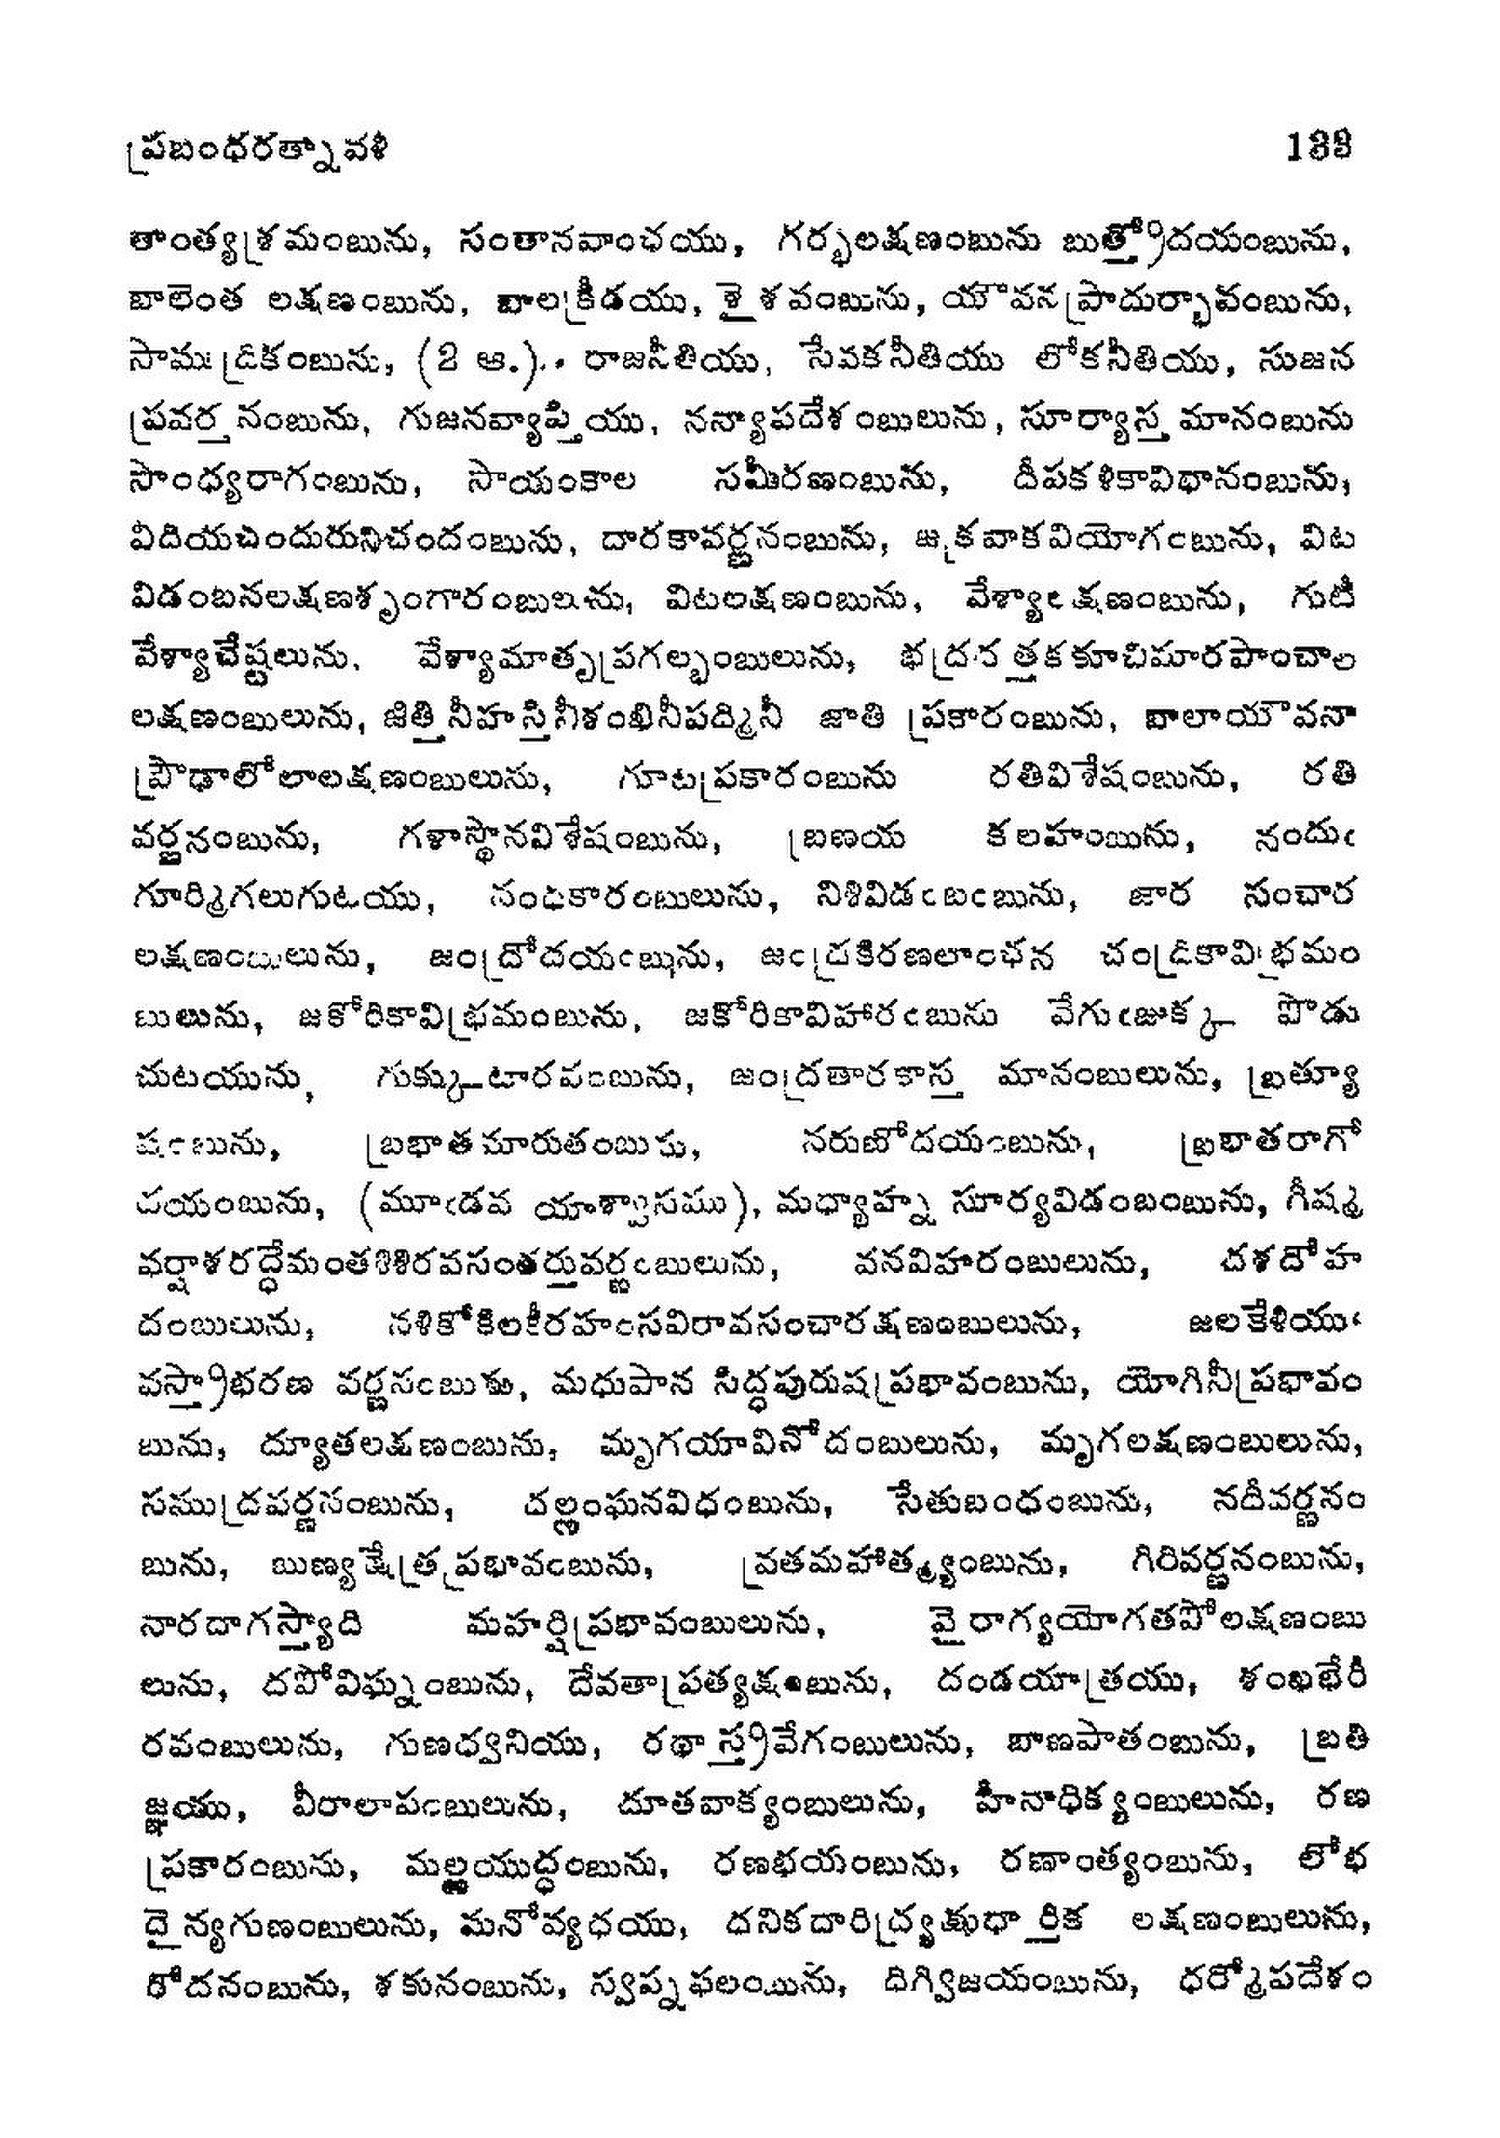తాంత్యశ్రమంబును, సంతానవాంఛయు, గర్భలక్షణంబును పుత్త్రోదయంబును, బాలెంతలక్షణంబును, బాలక్రీడయు, శైశవంబును, యౌవనప్రాదుర్భావంబును, సాముద్రికంబును, [2ఆ] రాజనీతియు, సేవకనీతియు లోకనీతియు, సుజనప్రవర్తనంబును, గుజనవ్యాప్తియు, నన్యాపదేశంబులును, సూర్యాస్తమానంబును సాంధ్యరాగంబును, సాయంకాలసమీరణంబును, దీపకళికావిధానంబును, విదియచందురుని చందంబునుఁ, దారకావర్ణనంబును, జక్రవాకవియోగంబును, విటవిడంబనలక్షణశృంగారంబులును, విటలక్షణంబును, వేశ్యాలక్షణంబును, గుటీ వేశ్యాచేష్టలును, వేశ్యమాతృప్రగల్భంబులును, భద్రదత్తకకూచిమారపాంచాలలక్షణంబులును, జిత్తినీహస్తినీశంఖినీపద్మినీజాతిప్రకారంబును, బాలాయౌవనాప్రౌఢాలోలాలక్షణంబులును, గూటప్రకారంబును రతివిశేషంబును, రతివర్ణనంబును, గళాస్థానవిశేషంబులును, బ్రణయకలహంబును, నందుఁ గూర్మి గలుగుటయు, నంధకారంబును, నిశివిడంబంబును, జారసంచారలక్షణంబును, జంద్రోదయంబును, జంద్రకిరణలాంఛనచంద్రికావిభ్రమంబులును, జకోరికావిభ్రమంబును, జకోరికావిహారంబును, వేగుఁజుక్క పొడుచుటయుఁ, గుక్కుటారావంబును, జంద్రతారకాస్తమానంబులును, బ్రత్యూషంబును, బ్రభాతమారుతంబును, నరుణోదయంబును, బ్రభాతరాగోదయంబును, [3ఆ] మధ్యాహ్నసూర్యవిడంబంబును, గ్రీష్మవర్షాశరద్ధేమంతశిశిరవసంతర్తువర్ణనంబులును, వనవిహారంబును, దశదోహదంబులును, నళికోకిలకీరహంసవిరావసంచారలక్షణంబులును, జలకేళియు, వస్త్రాభరణవర్ణనంబును, మధుపానసిద్ధపురుషప్రభావంబును, యోగినీప్రభావంబును, ద్యూతలక్షణంబును, మృగయావినోదంబులును, మృగలక్షణంబును, సముద్రవర్ణనంబును, దల్లంఘనవిధంబును, సేతుబంధంబును, నదీవర్ణనంబును, బుణ్యక్షేత్రప్రభావంబును, వ్రతమాహాత్మ్యంబును, గిరివర్ణనంబును, నారదాగస్త్యాదిమహర్షిప్రభావంబులును, వైరాగ్యయోగతపోలక్షణంబులును, దపోవిఘ్నంబును, దేవతాప్రత్యక్షంబులును, దండయాత్రయు, శంఖభేరీరవంబులును, గుణధ్వనియు, రథాస్త్రవేగంబులును, బాణపాతంబును, బ్రతిజ్ఞయు, వీరాలాపంబులును, దూతవాక్యంబులును, హీనాధిక్యంబులును, రణప్రకారంబును, మల్లయుద్ధంబును, రణభయంబును, రణాంత్యంబును, లోభదైన్యగుణంబులును, మనోవ్యధయును, ధనికదారిద్ర్యక్షుద్వార్ధకలక్షణంబులును, రోదనంబును, శకునంబును, స్వప్నఫలంబును, దిగ్విజయంబును, ధర్మోపదేశం